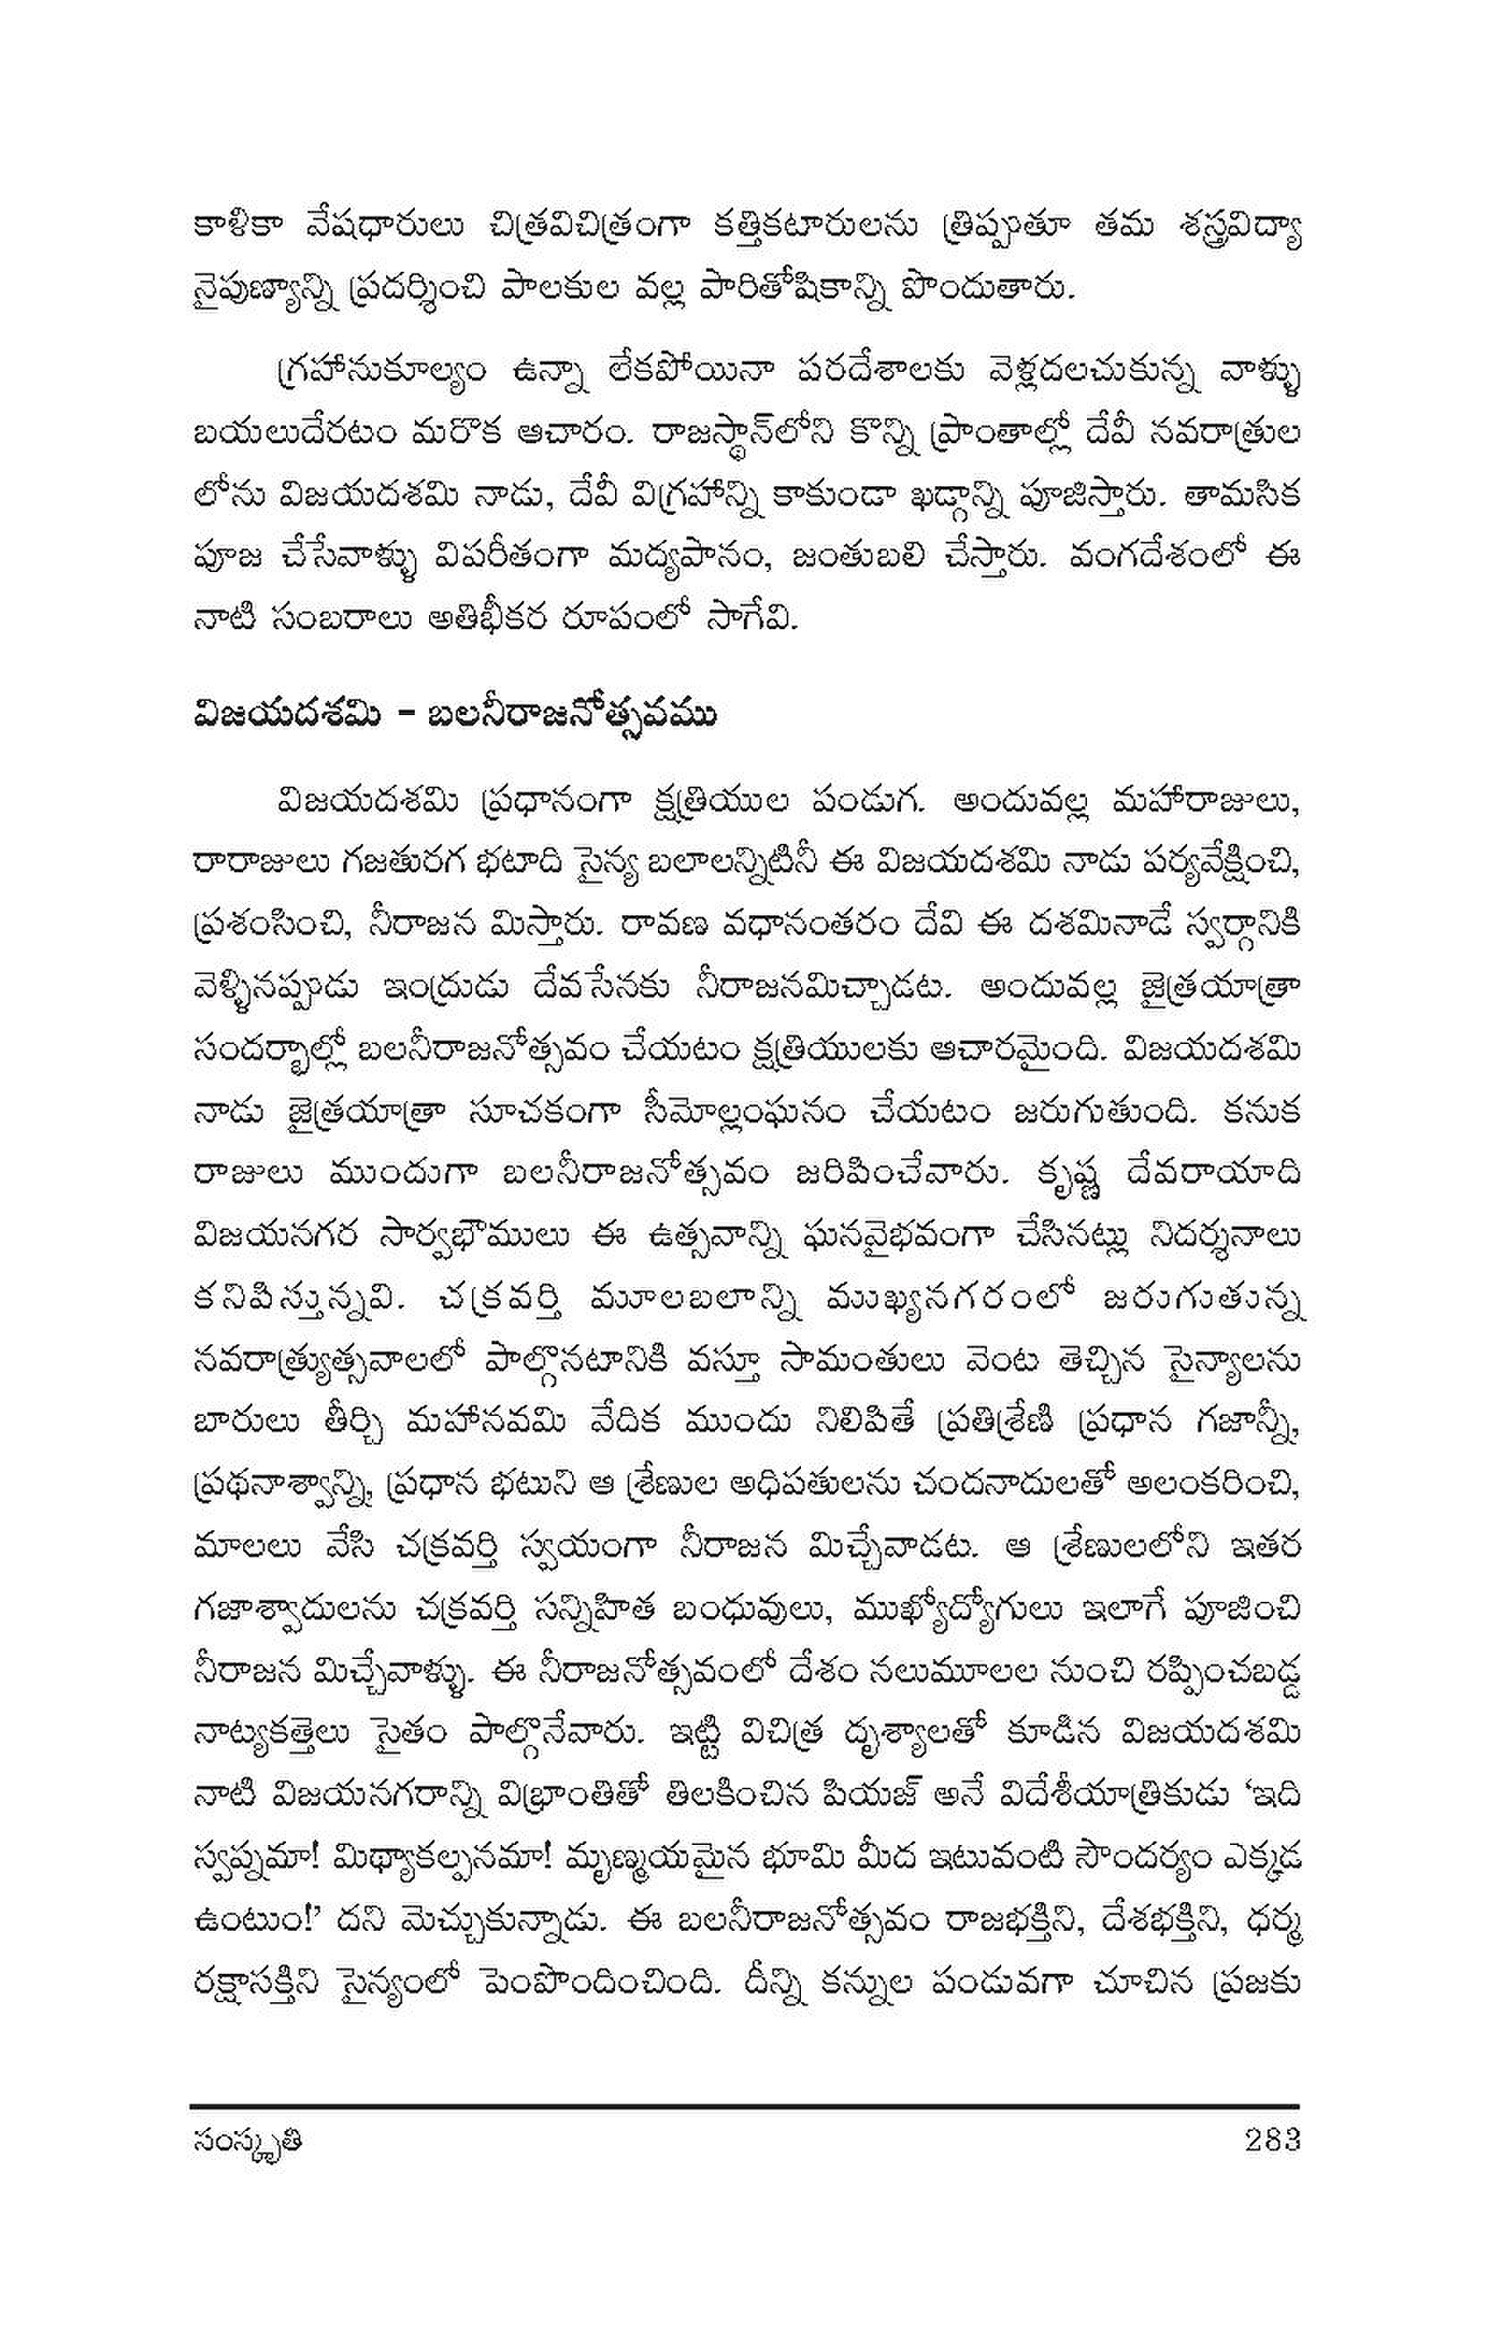కాళికా వేషధారులు చిత్రవిచిత్రంగా కత్తికటారులను త్రిప్పుతూ తమ శస్త్రవిద్యా
నైపుణ్యాన్ని ప్రదర్శించి పాలకుల వల్ల పారితోషికాన్ని పొందుతారు.

గ్రహానుకూల్యం ఉన్నా లేకపోయినా పరదేశాలకు వెళ్లదలచుకున్న వాళ్ళు
బయలుదేరటం మరొక ఆచారం. రాజస్థాన్ లోని కొన్ని ప్రాంతాల్లో దేవీ నవరాత్రుల
లోను విజయదశమి నాడు, దేవీ విగ్రహాన్ని కాకుండా ఖడ్గాన్ని పూజిస్తారు. తామసిక
పూజ చేసేవాళ్ళు విపరీతంగా మద్యపానం, జంతుబలి చేస్తారు. వంగదేశంలో ఈ
నాటి సంబరాలు అతిభీకర రూపంలో సాగేవి.

విజయదశమి - బలనీరాజనోత్సవము

విజయదశమి ప్రధానంగా క్షత్రియుల పండుగ. అందువల్ల మహారాజులు,
రారాజులు గజతురగ భటాది సైన్య బలాలన్నిటినీ ఈ విజయదశమి నాడు పర్యవేక్షించి,
ప్రశంసించి, నీరాజన మిస్తారు. రావణ వధానంతరం దేవి ఈ దశమినాడే స్వర్గానికి
వెళ్ళినప్పుడు ఇంద్రుడు దేవసేనకు నీరాజనమిచ్చాడట. అందువల్ల జైత్రయాత్రా
సందర్భాల్లో బలనీరాజనోత్సవం చేయటం క్షత్రియులకు ఆచారమైంది. విజయదశమి
నాడు జైత్రయాత్రా సూచకంగా సీమోల్లంఘనం చేయటం జరుగుతుంది. కనుక
రాజులు ముందుగా బలనీరాజనోత్సవం జరిపించేవారు. కృష్ణ దేవరాయాది
విజయనగర సార్వభౌములు ఈ ఉత్సవాన్ని ఘనవైభవంగా చేసినట్లు నిదర్శనాలు
కనిపిస్తున్నవి. చక్రవర్తి మూలబలాన్ని ముఖ్యనగరంలో జరుగుతున్న
నవరాత్ర్యుత్సవాలలో పాల్గొనటానికి వస్తూ సామంతులు వెంట తెచ్చిన సైన్యాలను
బారులు తీర్చి మహానవమి వేదిక ముందు నిలిపితే ప్రతిశ్రేణి ప్రధాన గజాన్నీ,
ప్రథనాశ్వాన్ని, ప్రధాన భటుని ఆ శ్రేణుల అధిపతులను చందనాదులతో అలంకరించి,
మాలలు వేసి చక్రవర్తి స్వయంగా నీరాజన మిచ్చేవాడట. ఆ శ్రేణులలోని ఇతర
గజాశ్వాదులను చక్రవర్తి సన్నిహిత బంధువులు, ముఖ్యోద్యోగులు ఇలాగే పూజించి
నీరాజన మిచ్చేవాళ్ళు. ఈ నీరాజనోత్సవంలో దేశం నలుమూలల నుంచి రప్పించబడ్డ
నాట్యకత్తెలు సైతం పాల్గొనేవారు. ఇట్టి విచిత్ర దృశ్యాలతో కూడిన విజయదశమి
నాటి విజయనగరాన్ని విభ్రాంతితో తిలకించిన పియజ్ అనే విదేశీయాత్రికుడు 'ఇది
స్వప్నమా! మిథ్యాకల్పనమా! మృణ్మయమైన భూమి మీద ఇటువంటి సౌందర్యం ఎక్కడ
ఉంటుం!' దని మెచ్చుకున్నాడు. ఈ బలనీరాజనోత్సవం రాజభక్తిని, దేశభక్తిని, ధర్మ
రక్షాసక్తిని సైన్యంలో పెంపొందించింది. దీన్ని కన్నుల పండువగా చూచిన ప్రజకు